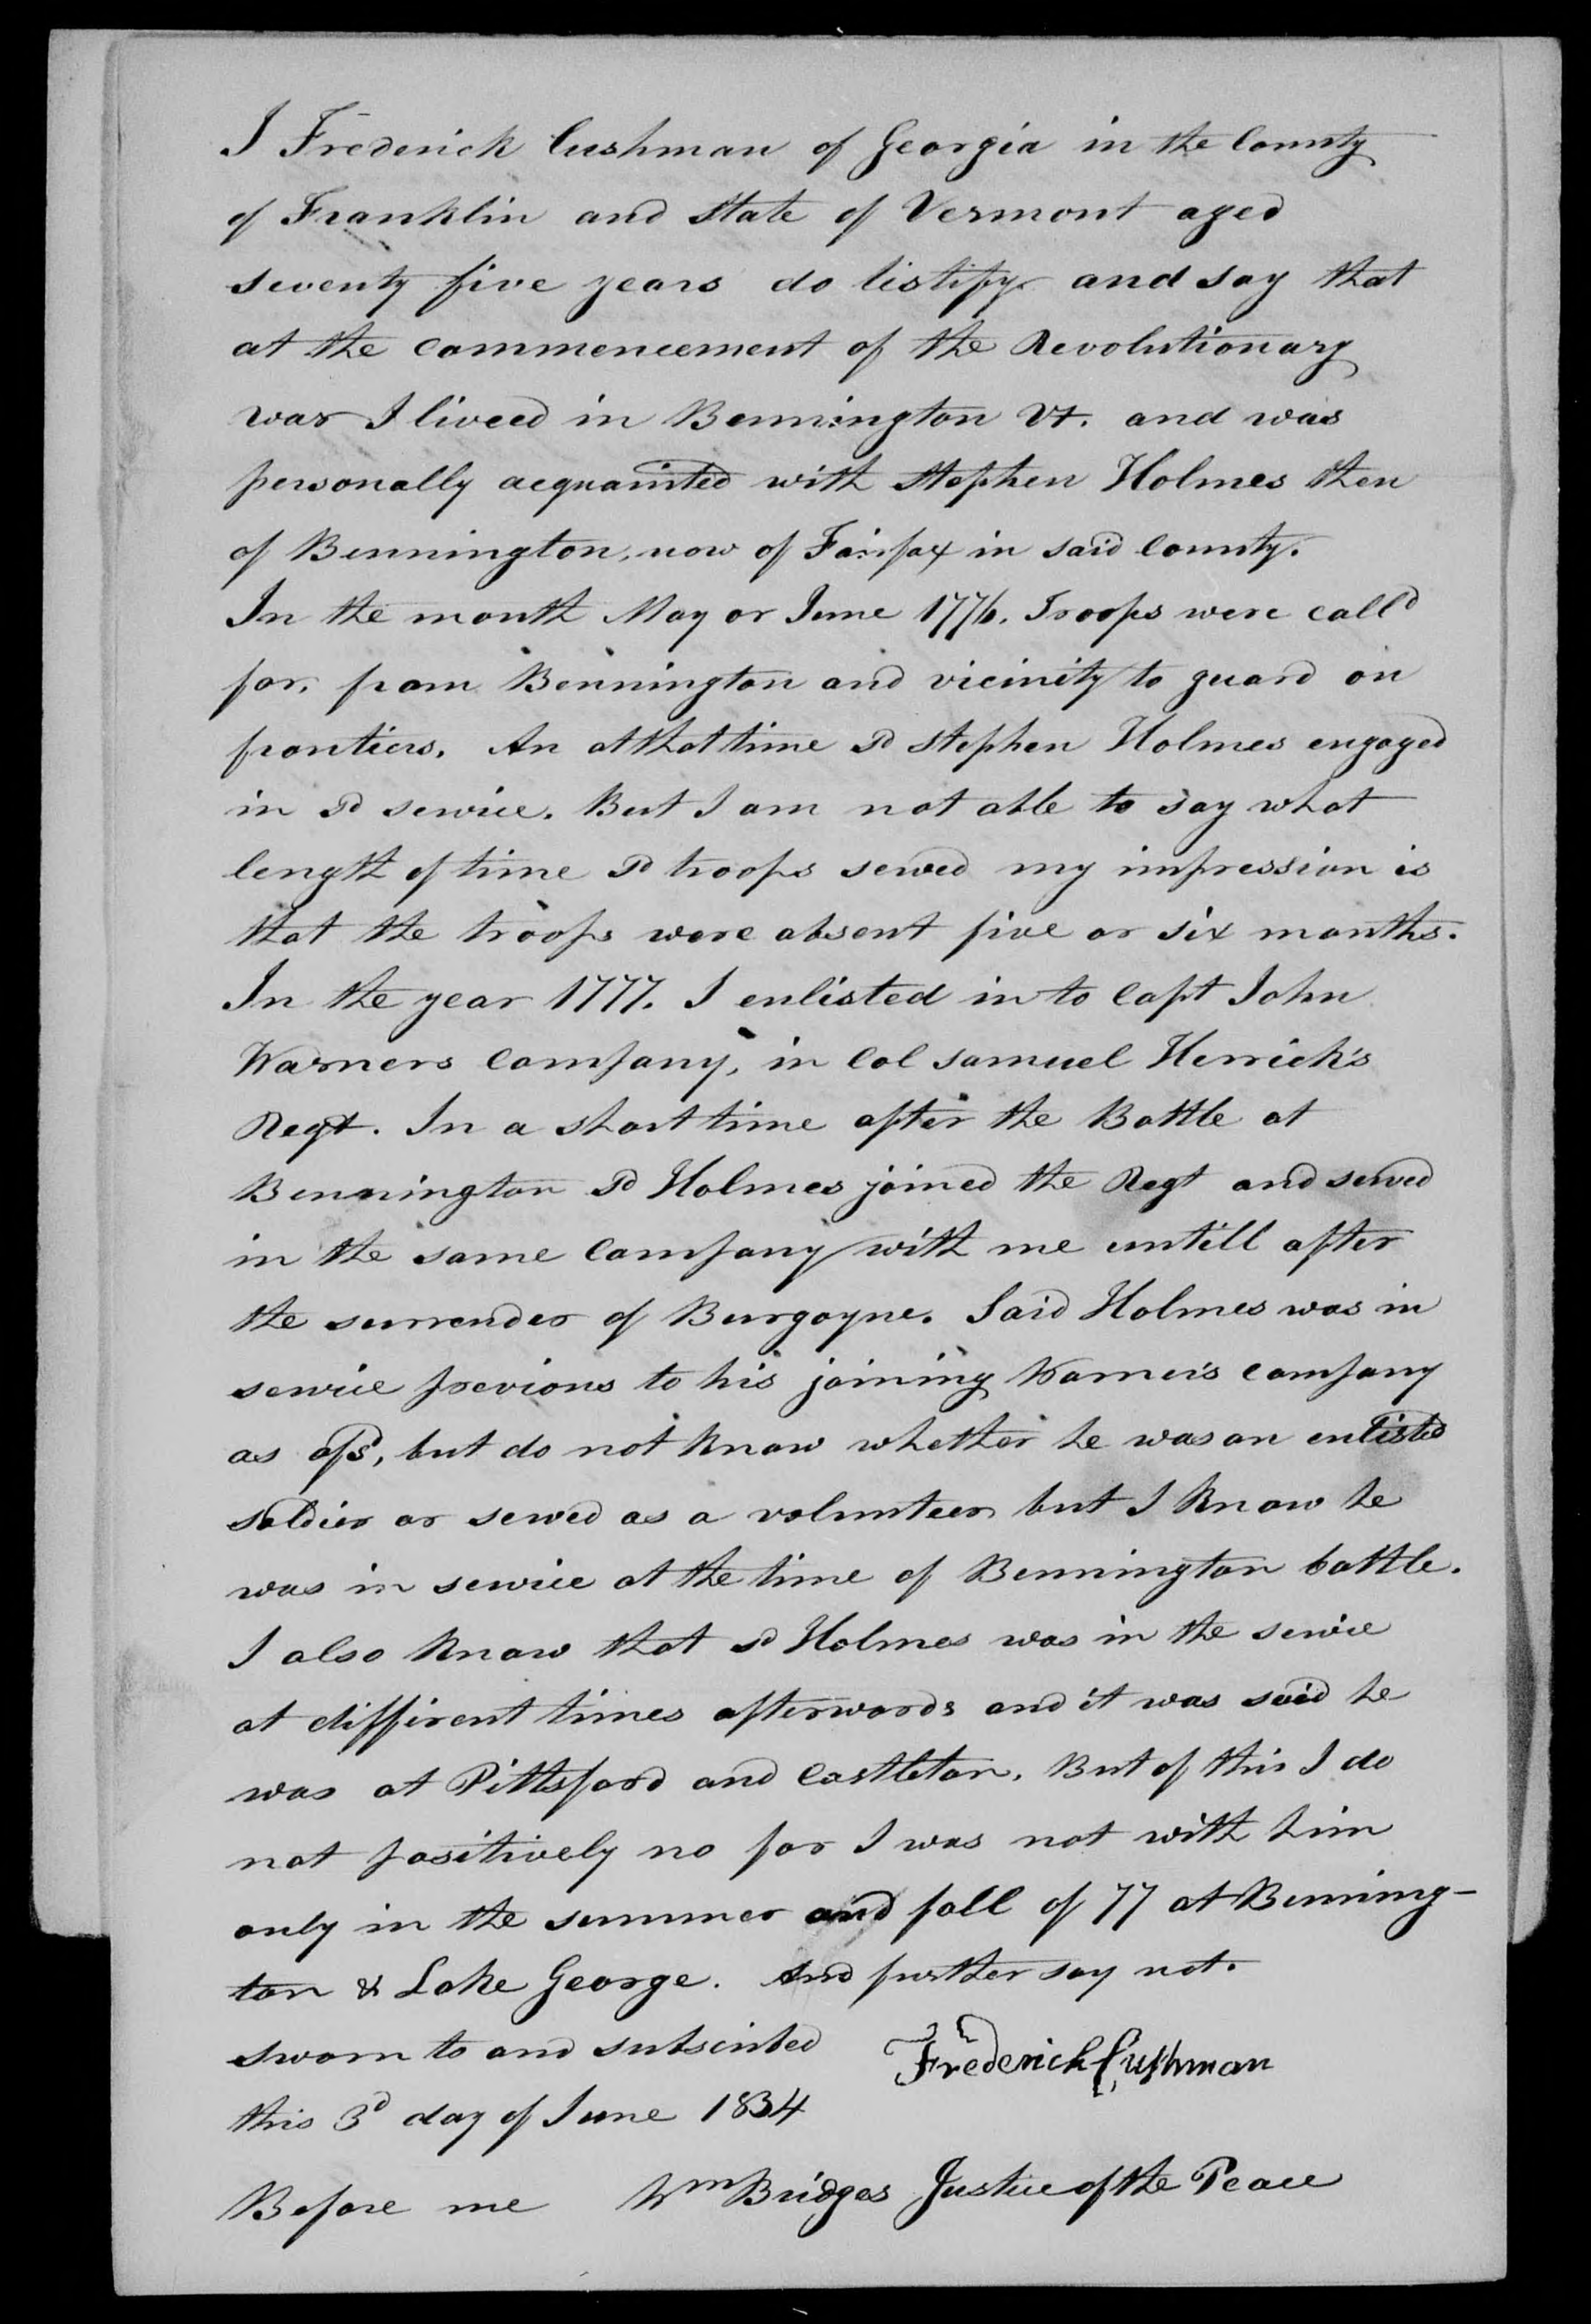I Frederick Cushman of Georgia in the County of Franklin and State of Vermont aged seventy five years do tistify and say that at the commencement of the Revolutionary war I lived in Bennington Vt. and was personally acquainted with Stephen Holmes then of Bennington, now of Fairfax in said county.

In the month May or June 1776, Troops were calld for, from Bennington and vicinity to guard on frontiers, An at that time sd Stephen Holmes engaged in sd service. But I am not able to say what length of time sd troops served my impression is that the troops were absent five or six months.

In the year 1777, I enlisted into Capt John Warners company, in Col Samuel Herrick's Regt. In a short time after the Battle of Bennington sd Holmes was in service previous to his joining Warner's company as afsd, but do not know whether he was an enlisted soldier or served as a volunteer but I know he was in service at the time of Bennington battle. 

I also know that sd Holmes was in the service at different times afterwards and it was said he was at Pittsford and Castleton, But of this I so not positively no for I was not with him only in the summer and fall of 77 at Bennington & Lake George. And further say not.

Sworn to and subscribed this 3d day of June 1834

Frederick Cushman

Before me Wm Bridges Justice of the Peace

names: Stephen Holmes, Holmes, Stephen Holmes, Frederick Cushman, Frederick Cushman, Holmes, Wm Bridges, Holmes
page: 47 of 72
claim: widow's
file: W. 7771, Stephen Holmes, Vt.